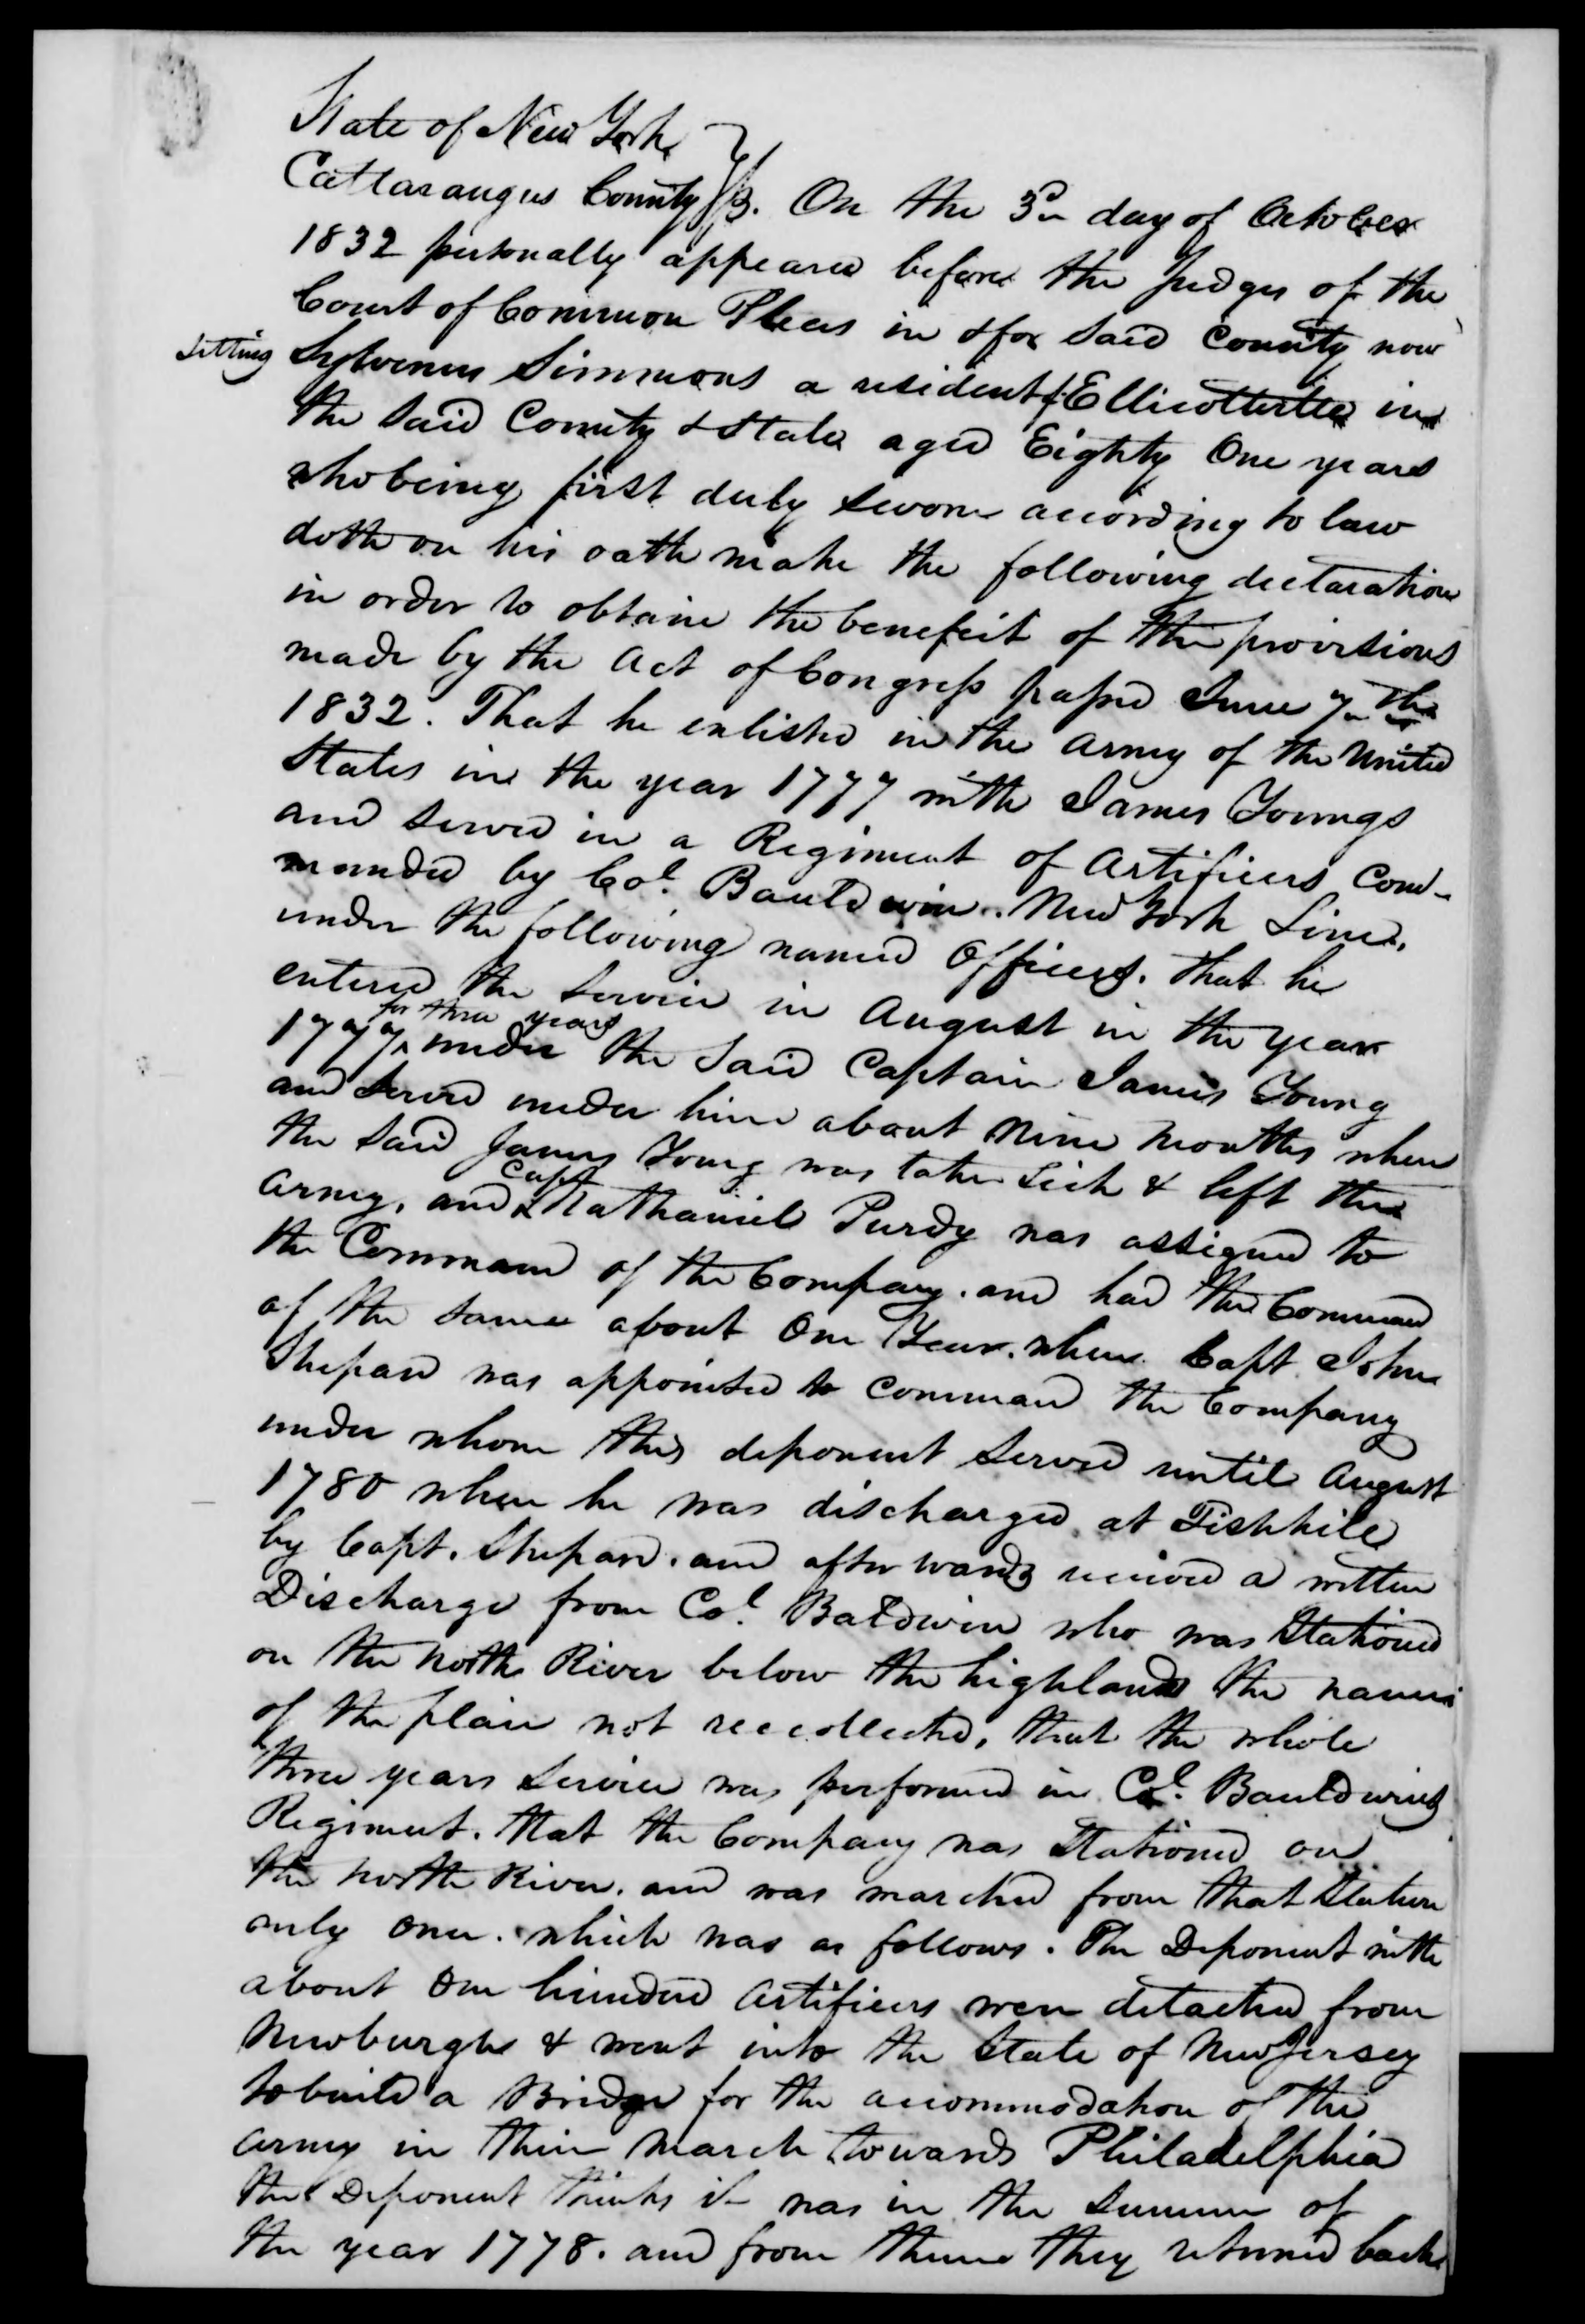State of New York
Cattaraugus County}SS  On the 3d day of October
1832 personally appeared before the Judges of the
Court of Common Pleas in & for said County now
sitting Sylvenus Simmons a resident Ellicottville in
the said County & State aged Eighty one years
who being first duly sworn according to law
doth on his oath make the following declaration
in order to obtain the benefit of the provisions
made by the Act of Congress passed June 7th
1832. That he enlisted in the army of the United 
States in the year 1777 with James Youngs
and served in a Regiment of Artificers
commanded by Col Baldwin, New York Line
under the following named officers, that he
entered the service in August in the year
1777 for three years under the said Captain James Young
and served under him about nine months when
the said James Young was take sick & left the
Army, and Capt Nathaniel Purdy was assigned to
the Command of the Company and had the Command
of the same about one year when Capt. John
Shepard was appointed to command the Company
under whom this deponent served until August
1780 when he was discharged at Fishkill
by Capt. Shepard and afterwards received a written
Discharge from Col. Baldwin who was stationed
on the North River below the highlands the name
of the place not recollected, that the whole
three years Service was performed in Col Baldwins
Regiment, that the Company was stationed on
the North River, and was marched from that station
only once which was as follows. The Deponent with
about one hundred artificers were detached from
Newburgh & went into the State of New Jersey
to build a Bridge for the accommodation of the
army in their march towards Philadelphia
The Deponent thinks it was in the summer of
the year 1778, and from thence they returned back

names: James Youngs; John Shepard; James Young; [BLANK] Bauldwin; [BLANK] Shepard; James Young; Sylvenus Simmons; [BLANK] Baldwin; Nathaniel Purdy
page: 4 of 31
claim: survivor's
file: S. 14484, for Sylvanus Simmons, New York